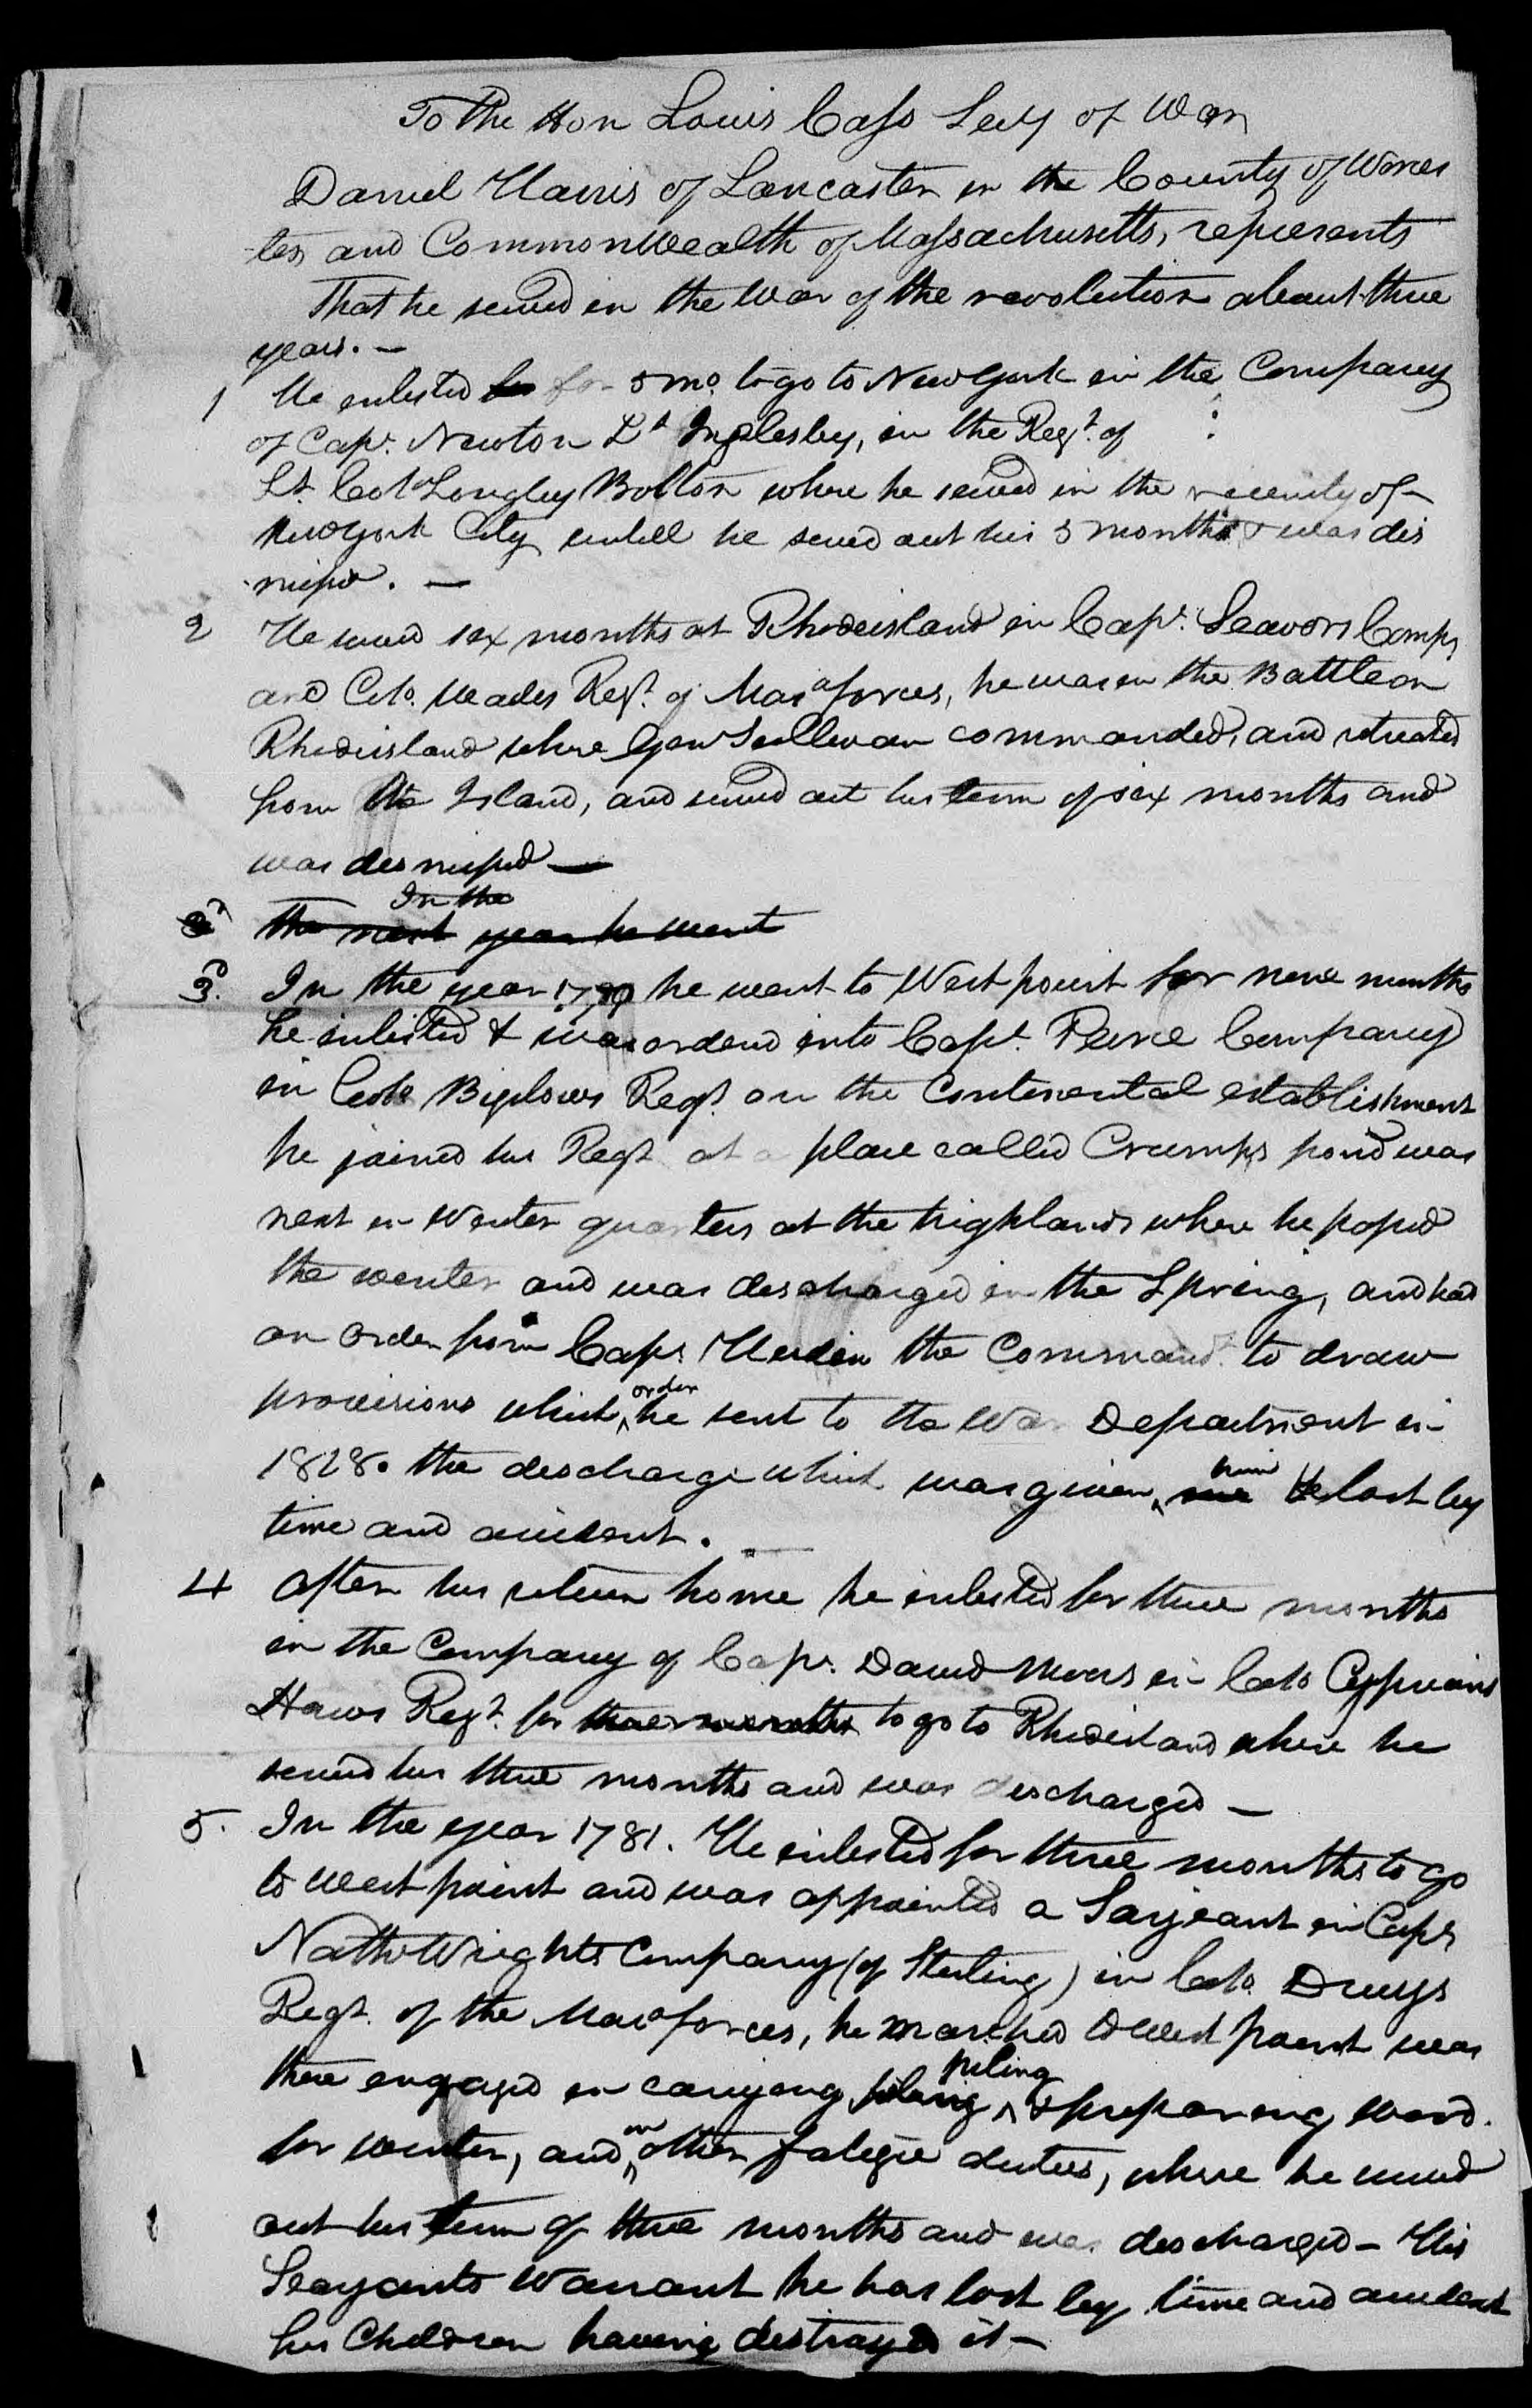To the Hon Louis Cass Secty of War.

Daniel Harris of Lancaster in the County of Worcester and Commonwealth of Massachusetts represents that he served in the War of the Revolution about three years.-

1. He enlisted for 5 months to go to New York in the Company of Capt. Newton, Lt. Inglesby, in the Reg [Regiment] of Lt. Colonel Longley Bolton, where he served in the vicinity of New York City while he served out his 5 months & was dismissed.

2. The war six months at Rhode Island in Captain Seavors Company and Colonel Wades reg of Mara Forces, he was in the Battle on Rhode Island where Gen Sullivan commanded and retreated from the island, and served out his term of six months and was dismissed.
 
3. In the year 1780 he went to West Point for nine months he enlisted & was ordered into Capt Pearce Company in Col. Bigelow Reg on the continental establishment he joined his Reg at a place called Crumps pond was near to winter quarters at the highlands where he passed the winter and was discharged in the spring, and had an order from Capt Werdin the command to draw provisions which order he sent to the War Department in 1828. The discharge which was given him last by time and services.

4. After his return home he enlisted for three months in the company of Capt David [Mercer?] in Col [Appucian?] Haws Reg? to go to Rhode Island where he served his three months and was discharged.

5. In the year 1781 He enlisted for three months to go to West Point and was appointed a Sargeant in Capt Nathwrights Company (of Sterling) in Capt Drurys Regt of the Mar Forces he marched [] was there engaged in carrying, piling preparing [ward?] for winter, and, other fatigue duties where he served out his term of three months and was discharged - His Seargents warrant he has lost by time and dead his children having destroy it-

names: Newton, Louis Cass, Herden, Inglesby, Sullivan, Longley Bolton, David Moore, Daniel Harris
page: 4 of 68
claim: survivor's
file: S. 29,877, Daniel Harris, Mass.